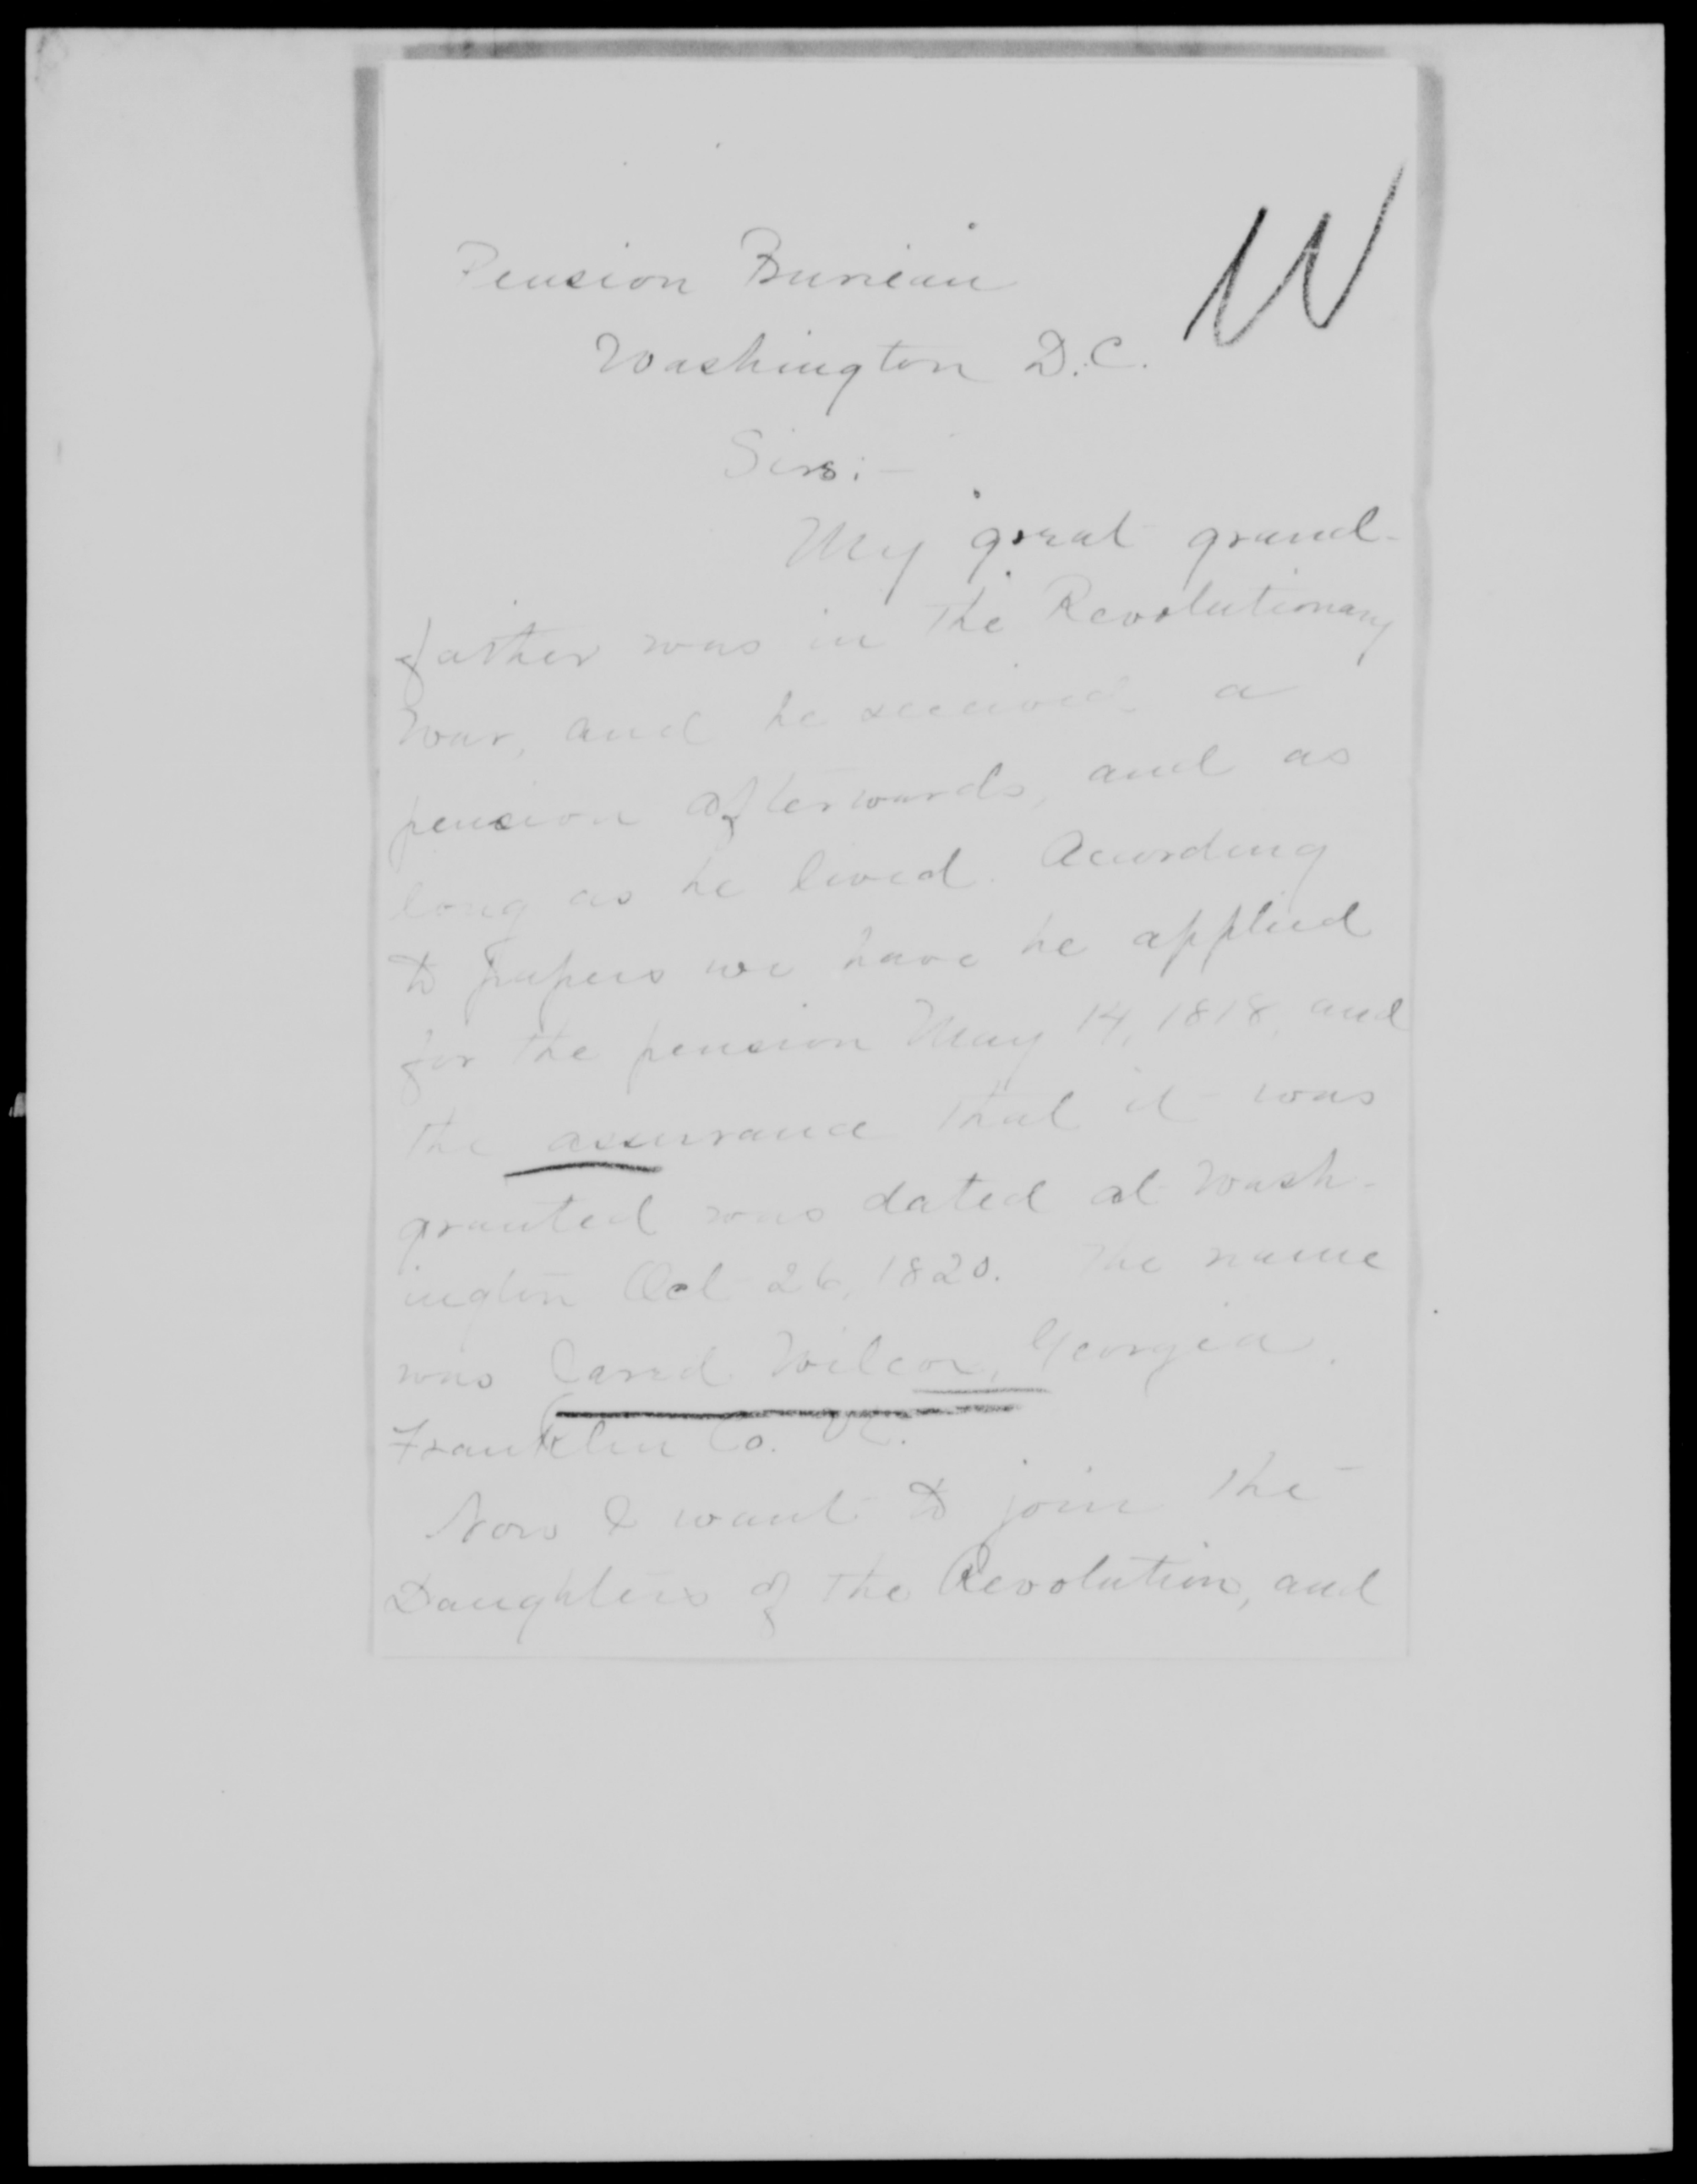Pension Bureau
Washington D.C.

(W in right column)

Sirs,

My great grand
father was in the Revolutionary
War, and he received a
pension afterwards and as
long as he lived.  According
to papers we have he applied
for the pension May 14, 1818 and
the assurance that it was
granted was dated at Washington
Oct 26, 1820.  The name
was Jared Wilcox, Georgia,
Franklin Co. Vt.

Now I want to join the
Daughters of the Revolution and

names: Wilcox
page: 17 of 34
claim: survivor's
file: S. 41337, Jared Wilcox, Continental Mass.